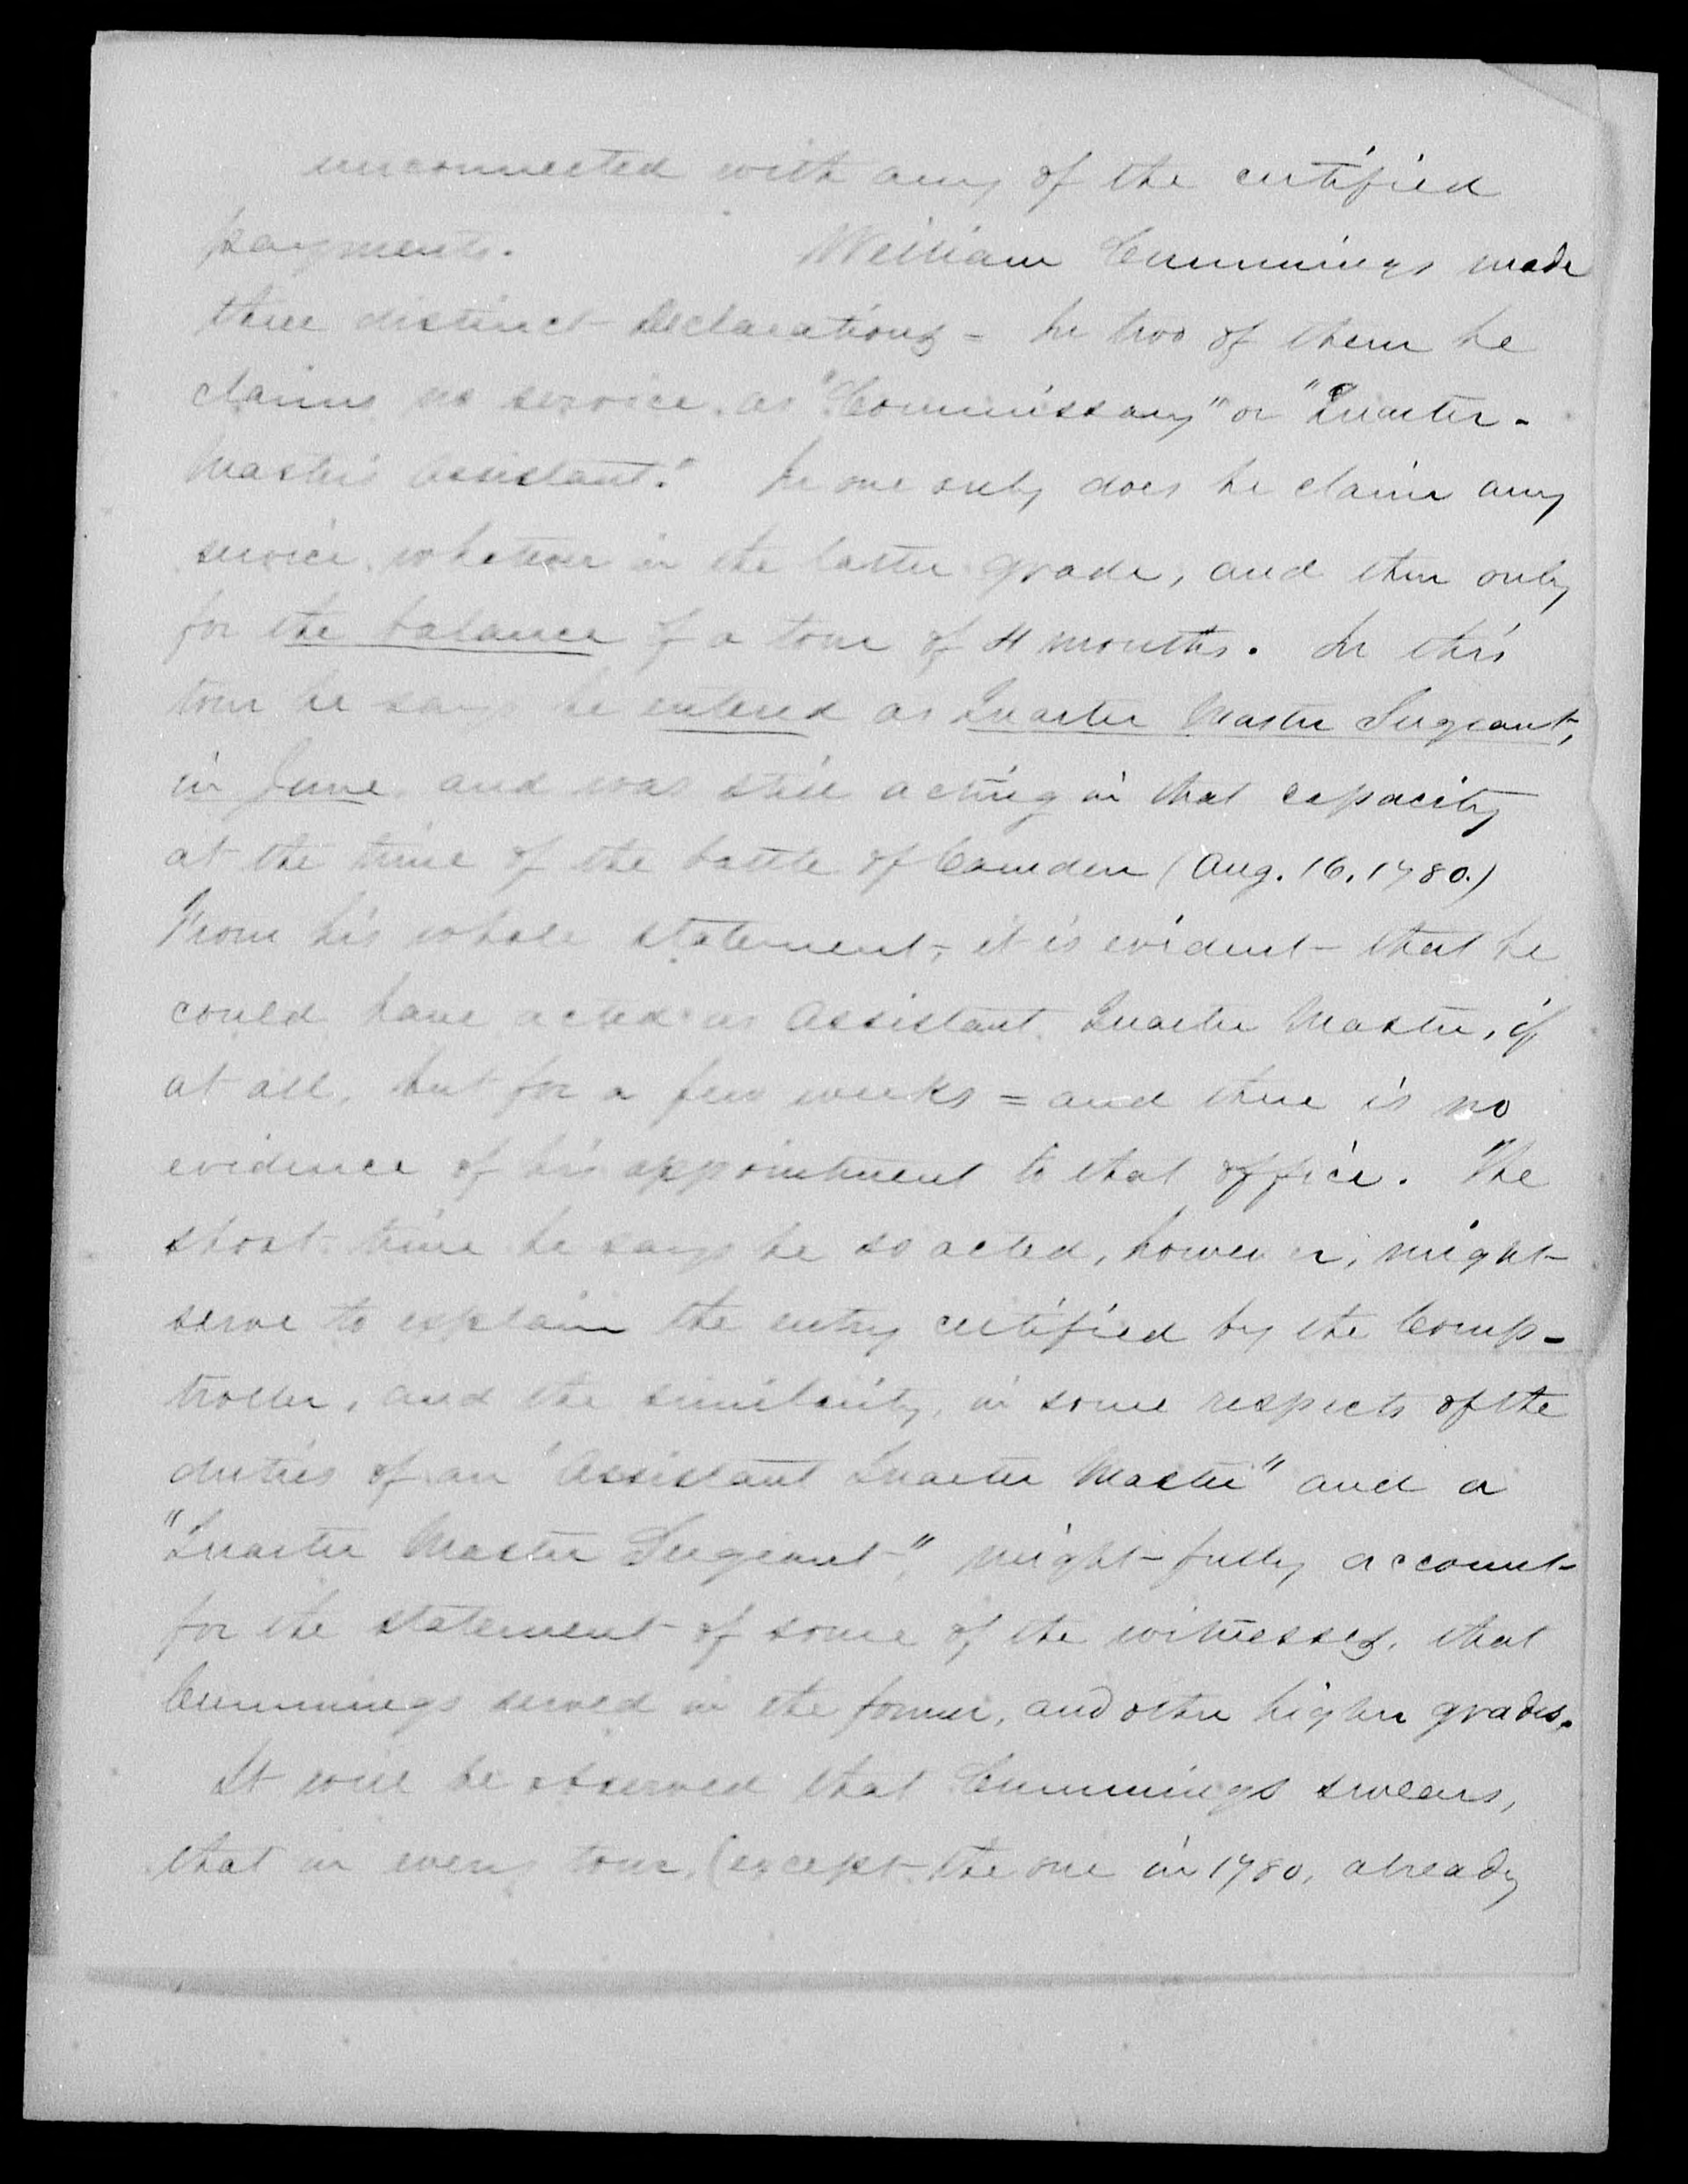[Third page in continued letter.  Occasional spacing has been included to make the long text block easier to read.]

unconnected with any of the certified payments.   

William Cummings made three distinct Declarations = In two of them he claims no service. as "Commissary" or "Quarter - Master's Assistant."  In one [?] only does he claim any service, whatever in the latter grade, and then only for [here the next two words are underlined] the balance of a tour of 4 months. 

In this tour he says he [here the following word is underlined] entered as [here the next five words are underlined] Quarter Master Sergeant, in June, and was still acting in that capacity at the time of the battle of Camden (Aug. 16, 1780.)  

From his whole statement, it is evident - that he could have acted as an Assistant Quarter Master, if at all, but for a few weeks - and there is no evidence of his appointment to that office. 

The short time he says he so acted, however, might serve to explain the entry certified by the Comptroller, and the similarity, in some respects of the duties of an "Assistant Quarter Master" and a "Quarter Master Sergeant," might fully account - for the statement of some of the witnesses, that Cummings served in the former, and other higher grades.  

It will be observed that Cummings swears, that in every tour, (except the one in 1780, already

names: William Cummings, Cummings, Cummings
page: 42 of 145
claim: survivor's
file: S. 8265, William Cumming, N.C.